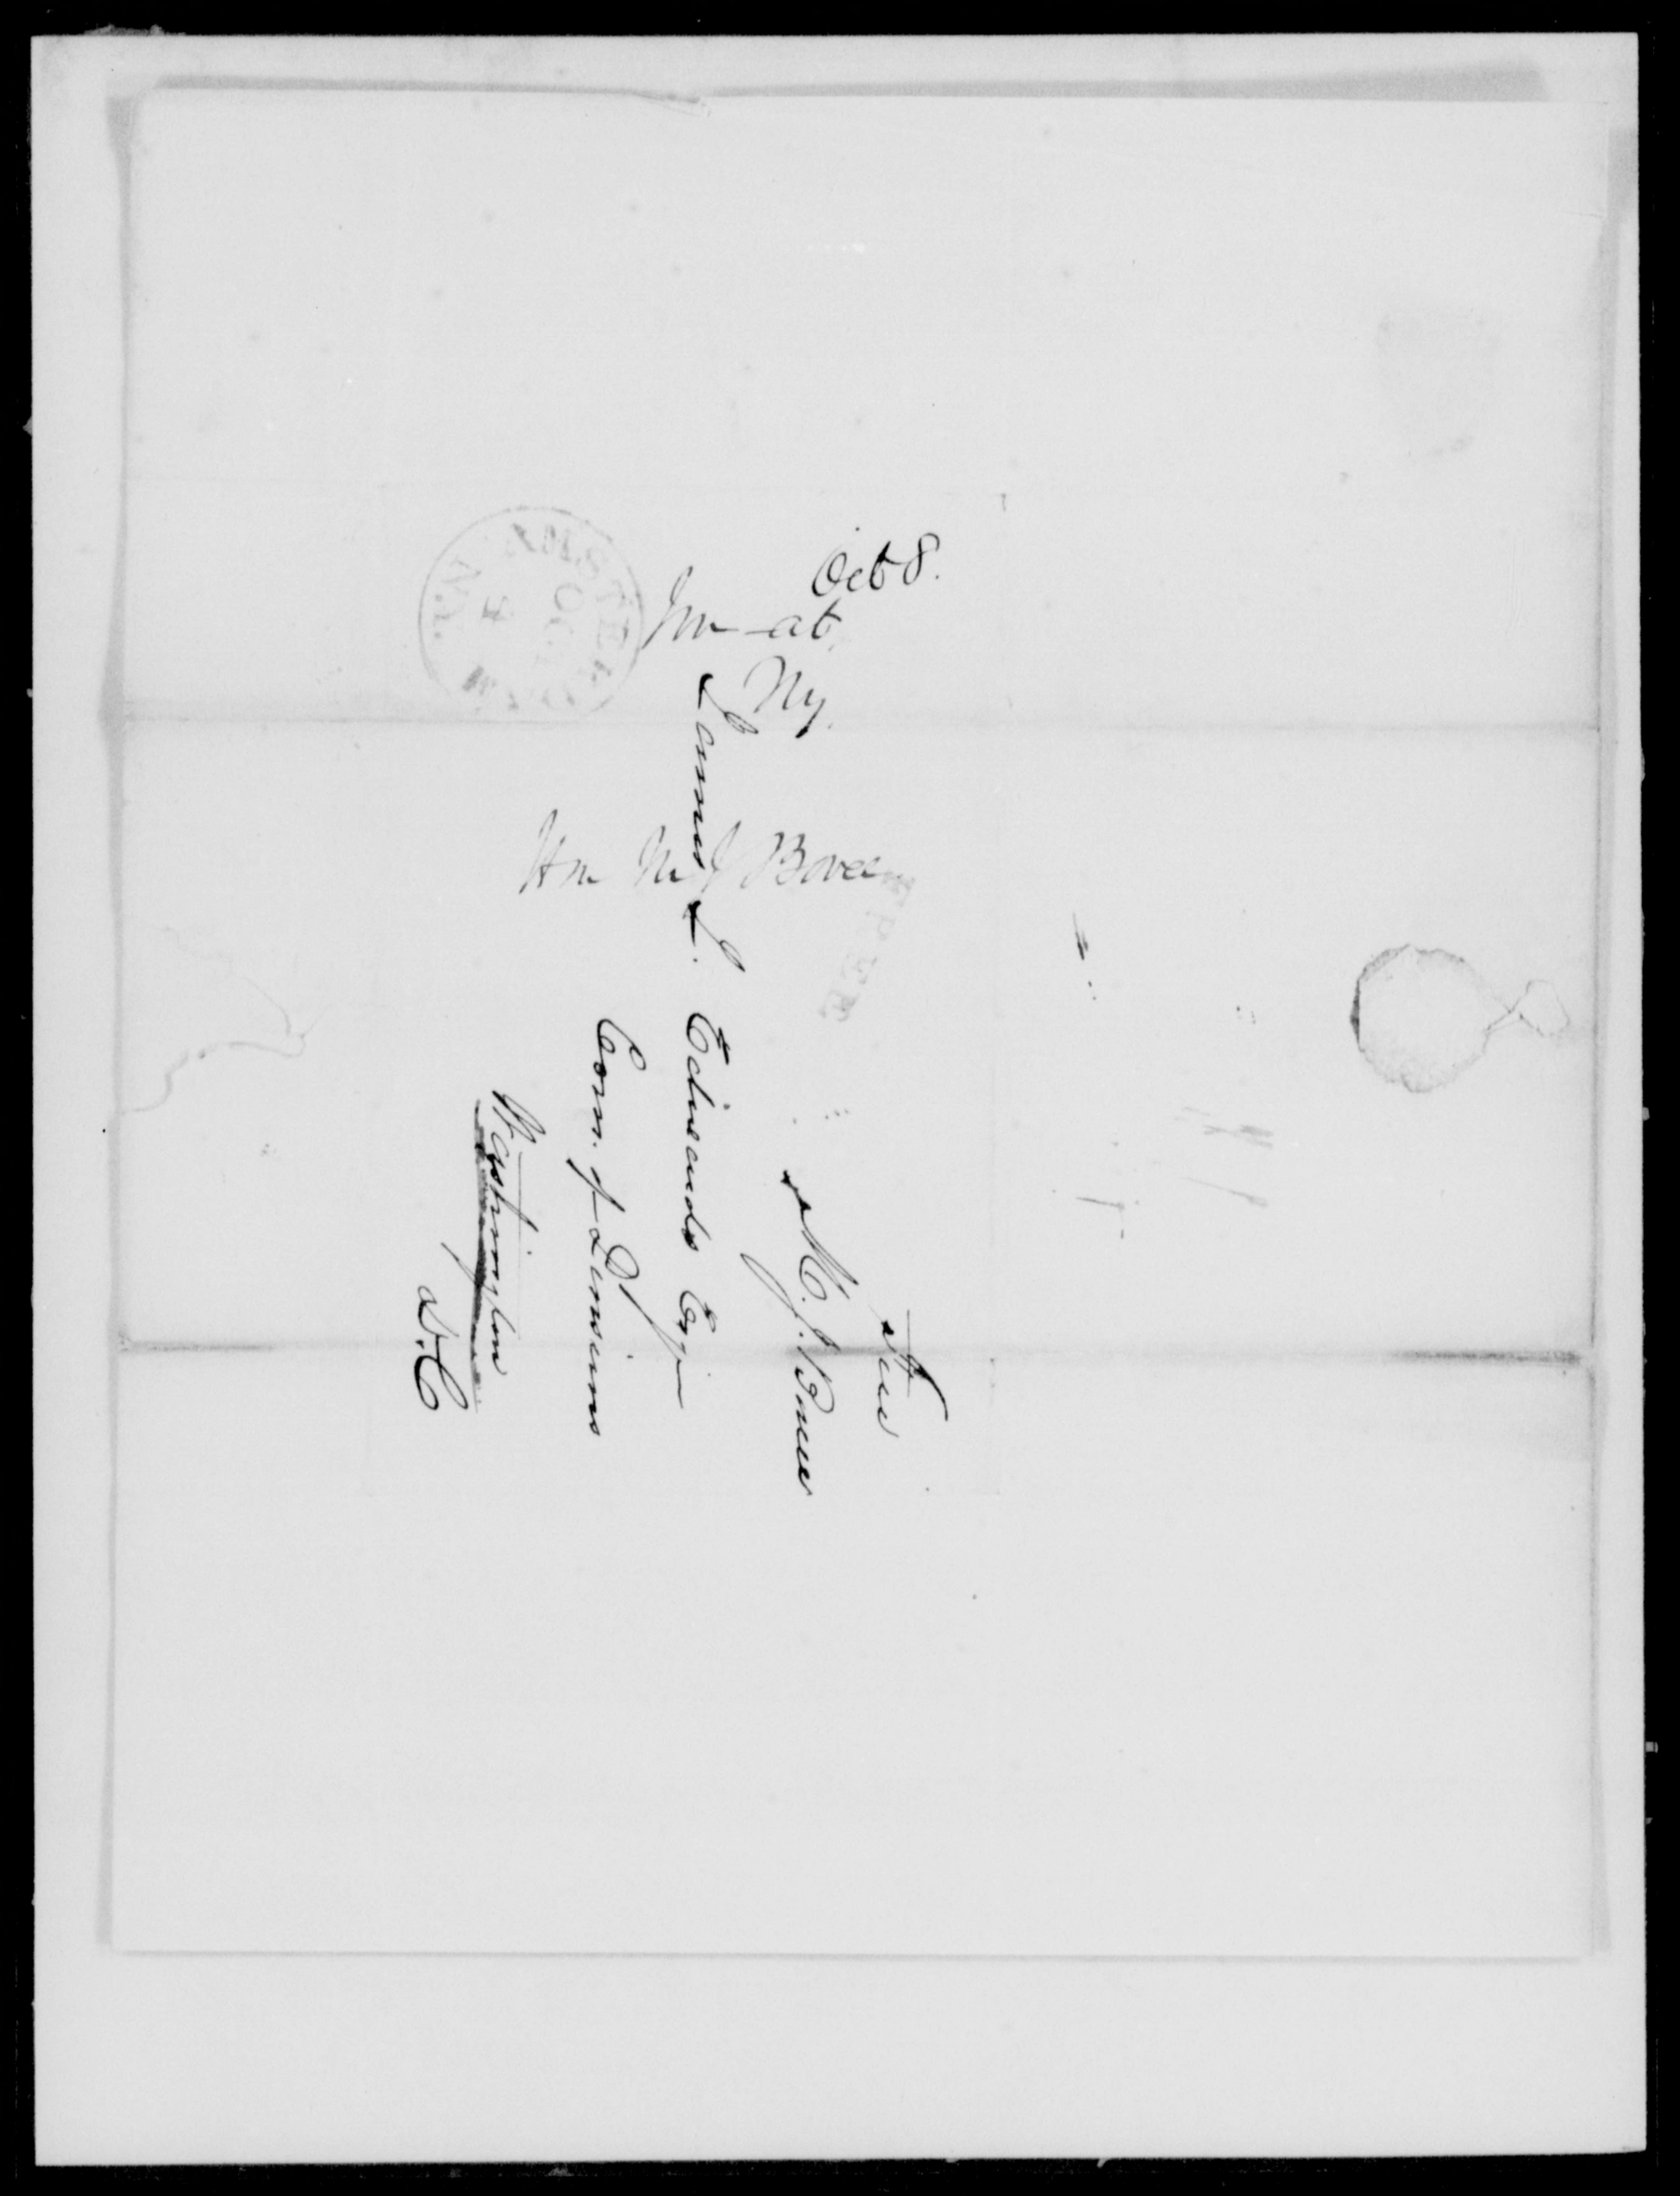[postmark]
AMSTERDAM N.Y. OCT 4

Oct 8. 
In ab NY.
Hon M J. Bovee

Free
M J. Bovee 

James L. Edwards Esq 
Com. of Pensions
Washington D.C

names: M J Bovee, James L Edwards, M J Bovee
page: 26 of 57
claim: survivor's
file: S. 28,925, Albert Van Housen, New York